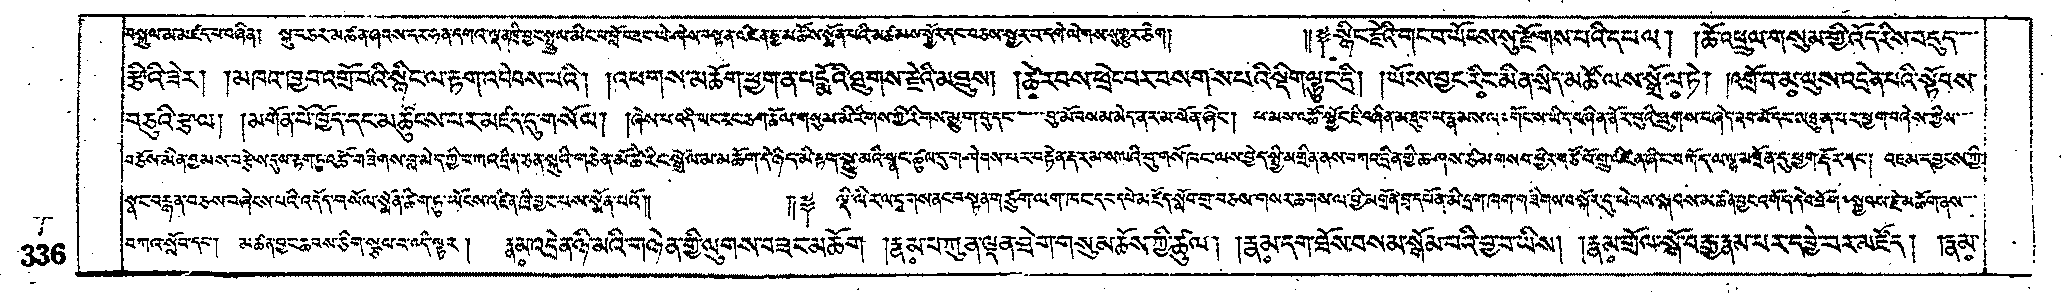བསྐུལ་མ་མཛད་པ་བཞིན། སྐུ་བཅར་མཚན་ཞབས་དར་ཧན་དགའ་ལྡན་ཁྲི་བྱང་སྤྲུལ་མིང་པ་བློ་བཟང་ཡེ་ཤེས་བསྟན་འཛིན་རྒྱ་མཚོས་སྨོན་པའི་མཚམས་སྦྱོར་དང་བཅས་སྦྱར་བ་དགེ་ལེགས་སུ་གྱུར་ཅིག། །། འ་སྙིང་རྗེའི་གང་བ་ཡོངས་སུ་རྫོགས་པའི་དཔལ། །ཆོ་འཕྲུལ་གསུམ་གྱི་འོད་རིས་བདུད་་་
རྩིའི་ཟེར། །མཁའ་ཁྱབ་འགྲོ་བའི་སྙིང་ལ་རྟག་འབེབས་པའི། །འཕགས་མཆོག་ཕྱག་ན་པདམོའི་ཐུགས་རྗེའི་མཐུས། །ཚེ྾་རབས་ཕྲེང་བར་བསགས་པའི་སྡིག་ལྟུང་དྲི། །ཡོངས་བྱང་རིང྾་མིན་སྲིད་མཚོ་ལས་སྒྲོལ྾་ཏེ། །འགྲོ་བ་མ྾་ལུས་འདྲེན་པའི་སྟོབས་
བཅུའི་རྩལ། །མགོན་པོ་ཁྱོད་དང་མཚུངས་པར་མཛད་དུ་གསོལ། །ཞེས་པ་འདི་ཡང་རང་ཅག་ཆོལ་གསུམ་མི་རིགས་ཀྱི་རིགས་མྱུག་བུ་དང་་་བུ་མོ་བསམ་མེད་ནར་མ་སོན་ཞིང་། ཕ་མས་འཚོ་སྐྱོང་ཇི་བཞིན་མ་ཐུབ་པ་རྣམས་ལ ༧གོང་ས་ཡིད་བཞིན་ནོར་བུའི་ཐུགས་བཞེད་ཟབ་མོ་དང་མཐུན་པར་ཕྱག་བཞེས་ཀྱིས་་་
བཅོས་མིན་བྱམས་བརྩེས་དུས་རྟག་ཏུ་འཚོ་གཟིགས་བླ་མེད་ཀྱི་བཀའ་དྲིན་ཅན་སྐུའི་གཅེན་མོ་ཚེ་རིང་སྒྲོལ་མ་མཆོག་དེ་ཉིད་མི་རྟག་སྒྱུ་མའི་སྣང་ཚུལ་དུ་གཤེགས་པར་བརྟེན་རྡ་རམ་ས་ལའི་བུ་གསོ་ཁང་ལས་བྱེད་སྤྱི་མགྲིན་ནས་བཀའ་དྲིན་གྱི་ཆ་ཤས་ཙམ་གསབ་ཕྱིར་གཙོ་བོ་གྲུ་འཛིན་ཞིང་བཀོད་ལ་ལྷ་མགྲོན་དུ་ཕྱག་རྡོར་དང་། འཇམ་དབྱངས་ཀྱི་
སྣང་བརྙན་བཅས་བཞེངས་པའི་འདོད་གསོལ་སྨོན་ཚིག་ཏུ་ཡོངས་འཛིན་ཁྲི་བྱང་པས་སྨོན་པའོ།། །། འ་ལྡི་ལིར་ལ་དྭགས་ནང་བསྟན་གཙུག་ལག་ཁང་དང་དཔེ་མཛོད་སློབ་གྲ་བཅས་གསར་ཆགས་ལ་ཕྱི་མགྲོན་བླ་དཔོན་མི་དྲག་ཁག་གཟིགས་བསྐོར་དུ་ཕེབས་སྐབས་མཚན་བྱང་འགོད་དེབ་ཐོག ༧སྐྱབས་རྗེ་མཆོག་ནས་་་
བཀའ་སློབ་དང་། མཚན་བྱང་ཆབས་ཅིག་སྩལ་བ་འདི་ལྟར། རྣམ྾་འདྲེན་ཉི་མའི་གཉེན་གྱི་ལུགས་བཟང་མཆོག །རྣམ྾་པ་ཀུན་ལྡན་ཐེག་གསུམ་ཆོས་ཀྱི་ཚུལ། །རྣམ྾་དག་ཐོས་བསམ་སྒོམ་པའི་བྱ་བ་ཡིས། །རྣམ྾་གྲོལ་སྒོ་བརྒྱ་རྣམ་པར་དབྱེ་བར་མཛོད། །རྣམ྾་